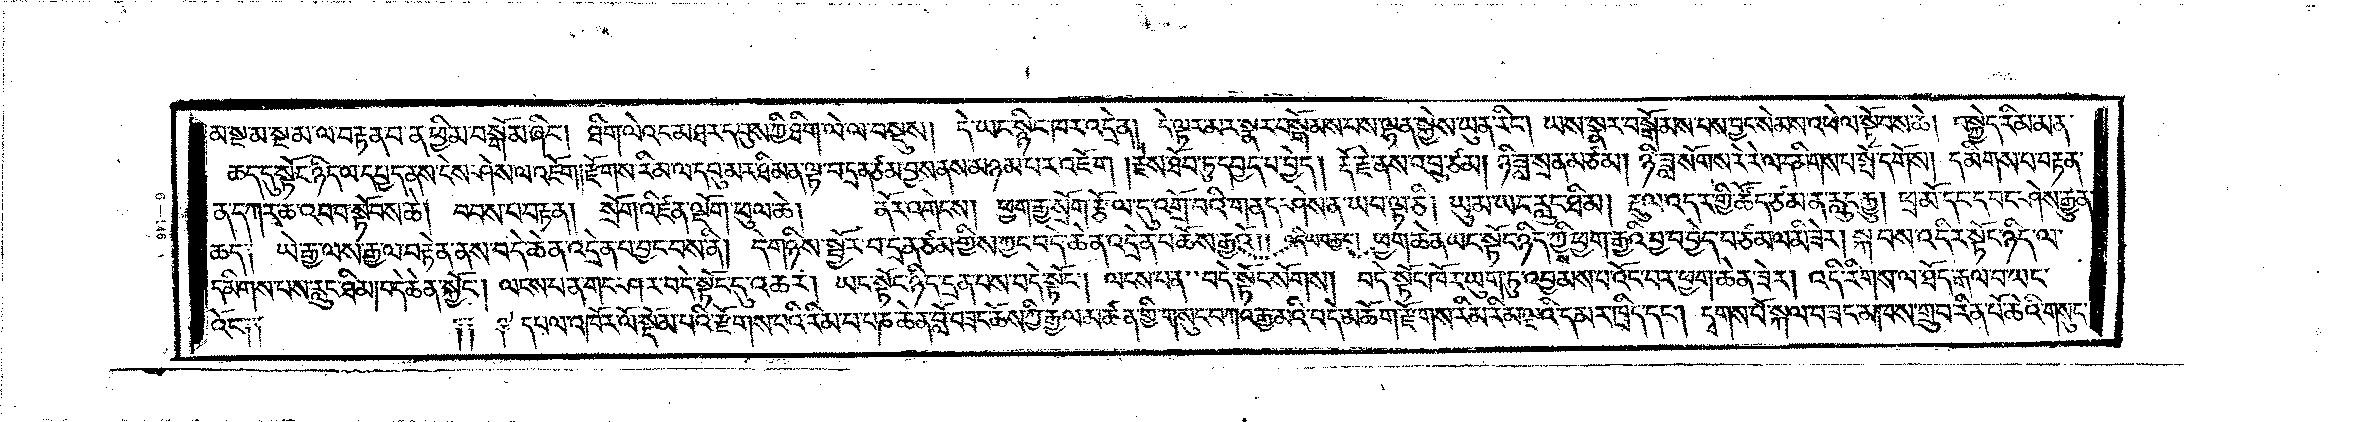མ་སྔ་མ་སྔ་མ་ལ་བརྟན་བ་ན་ཕྱི་མ་བསྒོམ་ཞིང་། ཐིག་ལེའང་མཐར་དབུས་ཀྱི་ཐིག་ལེ་ལ་བསྡུས། དེ་ཡང་སྙིང་ཁར་འདྲེན། དེ་ལྟར་མར་སྣར་བསྒོམས་པས་ལྷན་སྐྱེས་ཡུན་རིང་། ཡས་སྣར་བསྒོམས་པས་བྱང་སེམས་འཕེལ་སྟོབས་ཆེ། བསྐྱེད་རིམ་མན་
ཆད་དུ་སྟོང་ཉིད་ལ་དཔྱད་ནས་ངེས་ཤེས་ལ་འཇོག །རྫོགས་རིམ་ལ་དབུ་མར་ཐིམ་ན་ལྟ་བ་དྲན་ཙམ་བྱས་ནས་མཉམ་པར་འཇོག །རྗེས་ཐོབ་ཏུ་དབྱད་པ་བྱེད། རྡོ་རྗེ་ནས་འབྲུ་ཙམ། ཉི་ཟླ་སྲན་མ་ཙམ། ཉི་ཟླ་སོགས་རེ་རེ་ལ་དམིགས་པ་སྤོ་དགོས། དམིགས་པ་བརྟན་
ན་དཀར་ཆ་འབབ་སྟོབས་ཆེ། བབས་པ་བརྟན། སྲོག་འཛིན་ལྡོག་ཕུལ་ཆེ། ནོར་འགེངས། ཕྱག་རྒྱ་སྲོག་རྩོལ་དུ་འགྲོ་བའི་གནད་ཤེས་ན་ཡབ་ལྟ་ཅི། ཡུམ་ཡང་རླུང་ཐིམ། རྔུལ་འདར་གྱི་ཚོད་ཙམ་ན་རླུང་རྒྱུ། ཕྲ་མོ་དང་དབང་ཤེས་རྒྱུན་
ཆད༑ ཡེ་རྒྱ་ལས་རྒྱ་ལ་བརྟེན་ནས་བདེ་ཆེན་འདྲེ་ན་པ་བྱང་བས་ནི། དེ་གཉིས་སྦྱོར་བ་དྲན་ཙམ་གྱིས་ཀྱང་བདེ་ཆེན་འདྲེན་པ་ཆོས་རྒྱ་འདི་ཡབ་རྐྱང་ཕྱག་ཆེན་ཡང་སྟོང་ཉིད་ཀྱིས་ཕྱག་རྒྱའི་བྱ་བ་བྱེད་པ་ཙམ་ལ་མི་ཟེར། སྐབས་འདིར་སྟོང་ཉིད་ལ་
དམིགས་པས་རླུང་ཐིམ་།བདེ་ཆེན་སྐྱོང་། ལངས་པ་ན་གང་ཤར་བདེ་སྟོང་དུ་འཆར། ཡང་སྟོང་ཉིད་དྲན་པས་བདེ་སྟོང་། ལངས་པ་ན་བདེ་སྟོང་སོགས། བདེ་སྟོང་ཁོར་ཡུག་ཏུ་འབྱམས་པ་འོང་བར་ཕྱག་ཆེན་ཟེར། འདི་རིགས་ལ་ཐོད་རྒལ་བ་ཡང་
འོང༑༑ ༑༑ ༈ དཔལ་འཁོར་ལོ་སྡོམ་པའི་རྫོགས་པའི་རིམ་པ་པཎ་ཆེན་བློ་བཟང་ཆོས་ཀྱི་རྒྱལ་མཚན་གྱི་གསུང་བཀའ་རྒྱ་མའི་བདེ་མཆོག་རྫོགས་རིམ་རིམ་ལྔའི་དམར་ཁྲིད་དང་། དྭགས་པོ་སྐལ་བཟང་མཁས་གྲུབ་རིན་པོ་ཆེའི་གསུང་